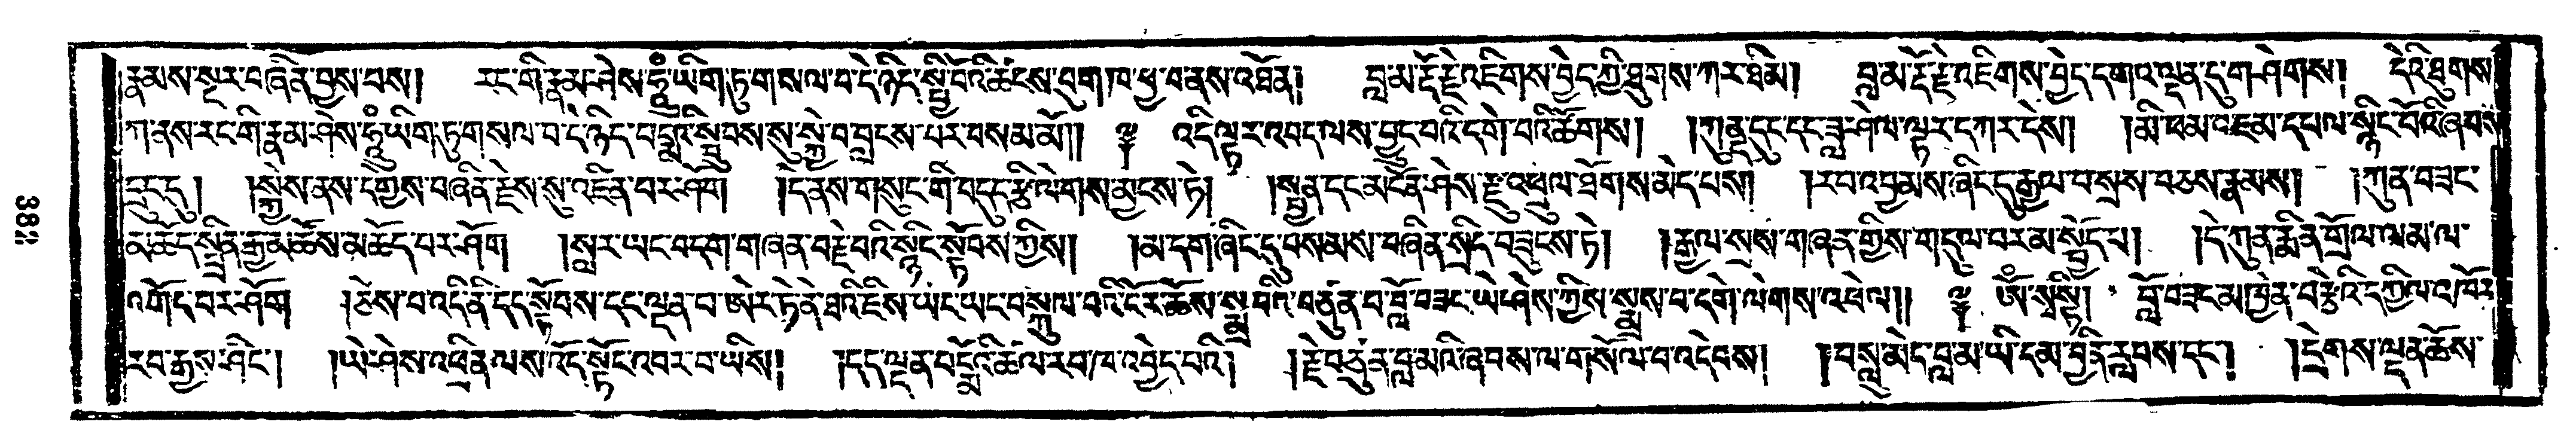རྣམས་སྔར་བཞིན་བྱས་བས། རང་གི་རྣམ་ཤེས་ཧཱུཾ་ཡིག་ཏུ་གསལ་བ་དེ་ཉིད་སྤྱི་བོའི་ཚངས་བུག་ཁ་ཕྱ་བ་ནས་འཐོན། བླ་མ་རྡོ་རྗེ་འཇིགས་བྱེད་ཀྱི་ཐུགས་ཀར་ཐིམ། བླ་མ་རྡོ་རྗེ་འཇིགས་བྱེད་དགའ་ལྡན་དུ་གཤེགས། དེའི་ཐུགས་
ཀ་ནས་རང་གི་རྣམ་ཤེས་ཧཱུཾ་ཡིག་ཏུ་གསལ་བ་དེ་ཉིད་པདམའི་སྦུབས་སུ་སྐྱེ་བ་བླངས་པར་བསམ་མོ།། ༈ འདི་ལྟར་འབད་ལས་བྱུང་བའི་དགེ་བའི་ཚོགས། །ཀུནྡ་དུང་དང་ཟླ་ཤེལ་ལྟར་དཀར་དེས། །མི་ཕམ་འཇམ་དཔལ་སྙིང་བོའི་ཞབས་
དྲུང་དུ། །སྐྱེས་ནས་དགྱེས་བཞིན་རྗེས་སུ་འཛིན་བར་ཤོག །དེ་ནས་གསུང་གི་བདུད་རྩི་ལེགས་མྱངས་ཏེ། །སྤྱན་དང་མངོན་ཤེས་རྫུ་འཕྲུལ་ཐོགས་མེད་པས། །རབ་འབྱམས་ཞིང་དུ་རྒྱལ་བ་སྲས་བཅས་རྣམས། །ཀུན་བཟང་
མཆོད་སྤྲིན་རྒྱ་མཚོས་མཆོད་པར་ཤོག །སླར་ཡང་བདག་གཞན་བརྗེ་བའི་སྙིང་སྟོབས་ཀྱིས། །མ་དག་ཞིང་དུ་བསམས་བཞིན་སྲིད་བཟུངས་ཏེ། །རྒྱལ་སྲས་གཞན་གྱིས་གདུལ་བར་མ་སྤྱོད་པ། །དེ་ཀུན་རྨིན་གྲོལ་ལམ་ལ་
འགོད་བར་ཤོག །ཅེས་བ་འདི་ནི་དད་སྟོབས་དང་ལྡན་བ་ཨེར་ཏེ་ནེ་ཐའི་ཇིས་ཡང་ཡང་བསྐུལ་བའི་ངོར་ཆོས་སྨྲ་བའི་བཙུན་བ་བློ་བཟང་ཡེ་ཤེས་ཀྱིས་སྨྲས་པ་དགེ་ལེགས་འཕེལ།། ༈ ཨོཾ་སྭསྟི། བློ་བཟང་མཁྱེན་བརྩེའི་དཀྱིལ་འཁོར་
རབ་རྒྱས་ཤིང་། །ཡེ་ཤེས་འཕྲིན་ལས་འོད་སྟོང་འབར་བ་ཡིས། །དད་ལྡན་པདམོའི་ཚལ་རབ་ཁ་འབྱེད་པའི། །རྗེ་བཙུན་བླ་མའི་ཞབས་ལ་གསོལ་བ་འདེབས། །བསླུ་མེད་བླ་མ་ཡི་དམ་བྱིན་རླབས་དང་། །དྲེགས་ལྡན་ཆོས་